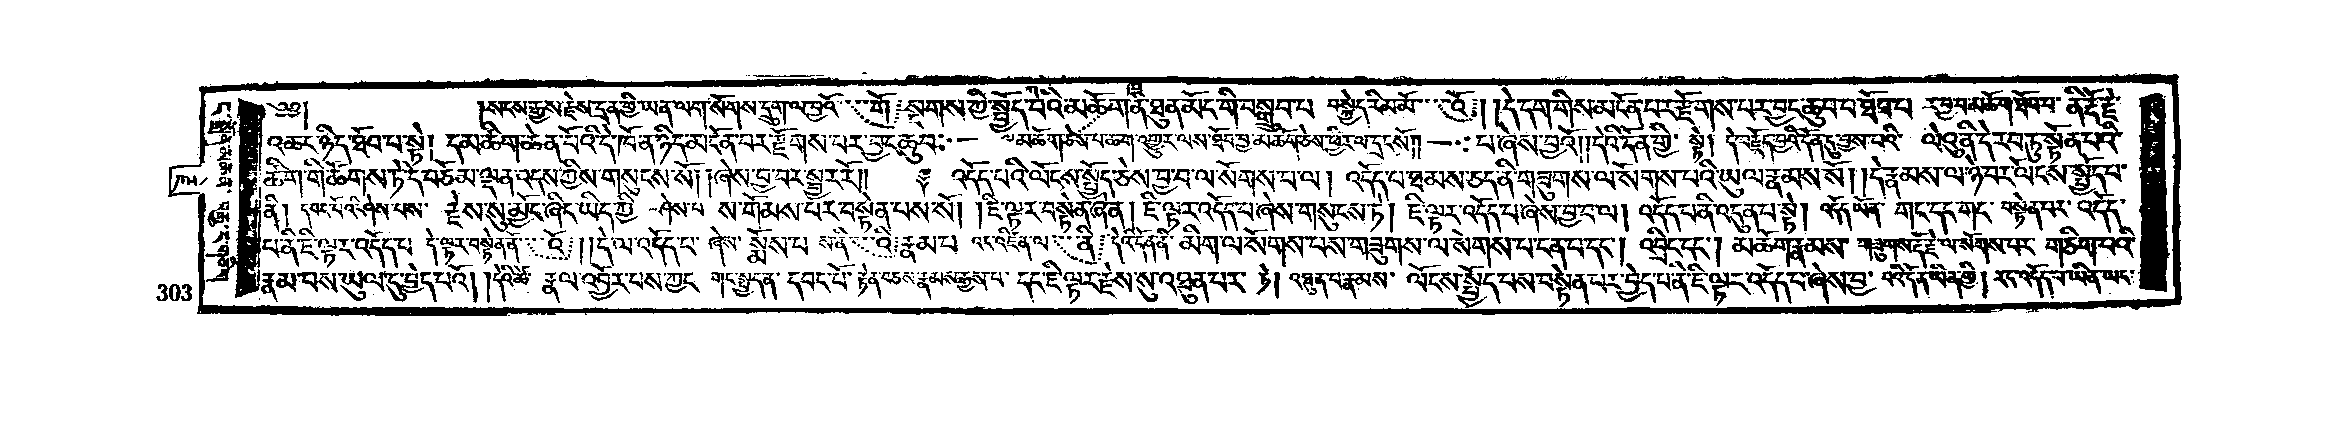༄༅། ། སངས་རྒྱས་རྗེས་དྲན་གྱི་ཡན་ལག་སོགས་དྲུག་ལ་བྱའོ་གོ་སྔགས་ཀྱི་སྤྱོད་ཀ་པའི་མཆོག་ཁ་ནི་ཐུན་མོང་གི་བསྒྲུབ་པ་བསྐྱེད་རིམ་མོ་འོ། །དེ་དག་གིས་མངོན་པར་རྫོགས་པར་བྱང་ཆུབ་པ་ཐོབ་པར་བྱ་བ་མཆོག་ཐོབ་པ་ནི་རྡོ་རྗེ་
འཆང་ཉིད་ཐོབ་པ་སྟེ། དམ་ཚིག་ཆེན་པོའི་དེ་ཁོ་ན་ཉིད་མངོན་པར་རྫོགས་པར་བྱང་ཆུབཿ་༧་མཆོག་ཅེས་པ་ཆག་འགྱུར་ལས་ཐེབ་བྱ་མཆོག་ཅེས་ཕྱིར་ལ་དྲངས་སོ།།  .H པ་ཞེས་བྱའོ། །དེའི་དོན་གྱི་སྟེ། དེ་བརྗོད་བྱའི་དོན་དུ་བྱས་པའི་ལེའུ་ནི་དེ་རབ་ཏུ་སྟོན་པའི་
ཚིག་གི་ཚོགས་ཏེ་དེ་བཅོམ་ལྡན་འདས་ཀྱིས་གསུངས་སོ། །ཞེས་བྱ་བར་སྦྱར་རོ།། ༈ འདོད་པའི་ལོངས་སྤྱོད་ཅེས་བྱ་བ་ལ་སོགས་པ་ལ། འདོད་པ་ཐམས་ཅད་ནི་གཟུགས་ལ་སོགས་པའི་ཡུལ་རྣམས་སོ། །དེ་རྣམས་ལ་ཉེ་བར་ལོངས་སྤྱོད་པ་
ནི། དབང་པོའི་ཤེས་པས་རྗེས་སུ་མྱོང་ཞིང་ཡིད་ཀྱི་ཤེས་པ་ས་གོམས་པར་བསྟེན་པས་སོ། །ཇི་ལྟར་བསྟེན་ཞེ་ན། ཇི་ལྟར་འདོད་པ་ཞེས་གསུངས་ཏེ། ཇི་ལྟར་འདོད་པ་ཞེས་བྱ་བ་ལ། འདོད་པ་ནི་འདུན་པ་སྟེ། འདོད་ཡོན་གང་དང་གང་བསྟེན་པར་འདོད་
པ་ནི་ཇི་ལྟར་འདོད་པ་དེ་ལྟར་བསྟེན་ནོ་འོ། །དེ་ལ་འདོད་པ་ཞེས་སྨོས་པས་ནི་འི་རྣམ་པ་འང་འཛིན་ལ་ནི་དེའི་དོན་ནི་མིག་ལ་སོགས་པས་གཟུགས་ལ་སོགས་པ་ངན་པ་དང་། འབྲིང་དང་། མཆོག་རྣམས་གཟུགས་རྡོ་རྗེ་ལ་སོགས་པར་གཅིག་པའི་
རྣམ་པས་ཡུལ་དུ་བྱེད་པའོ། ། དེའི་ཚེ་རྣལ་འབྱོར་པས་ཀྱང་གང་སྤྱད་ན་དབང་པོ་རྟེན་བཅས་རྣམས་རྒྱས་པ་དང་ཇི་ལྟར་རྗེས་སུ་འཐུན་པར་ཏེ། འཐུན་པ་རྣམས་ལོངས་སྤྱོད་པས་བསྟེན་པར་བྱེད་པ་ནི་ཇི་ལྟར་འདོད་པ་ཞེས་བྱ་བའི་དོན་ཡིན་གྱི། རང་འདོད་པ་ཡིན་ཡང་